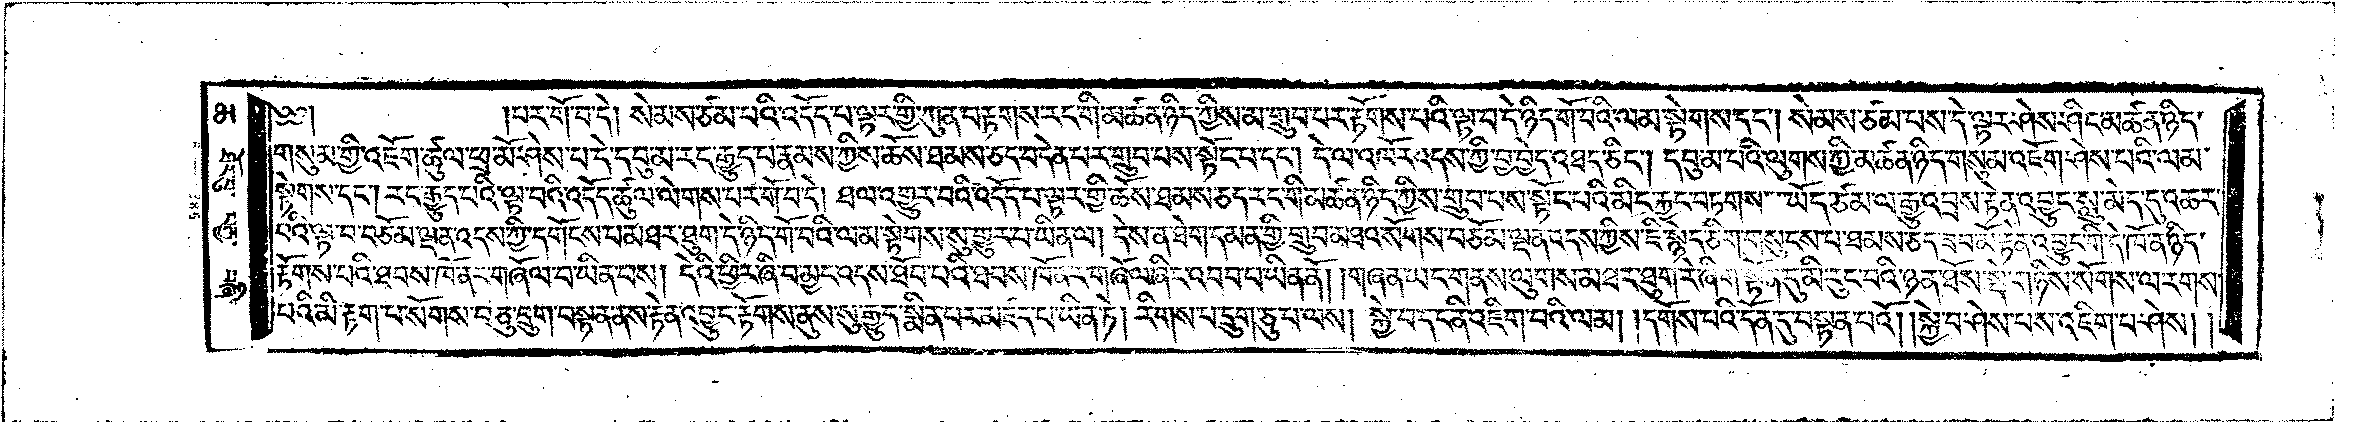༄༅། །པར་གོ་བ་དེ། སེམས་ཙམ་པའི་འདོད་པ་ལྟར་གྱི་ཀུན་བརྟགས་རང་གི་མཚན་ཉིད་ཀྱིས་མ་གྲུབ་པར་རྟོགས་པའི་ལྟ་བ་དེ་ཉིད་གོ་བའི་ལམ་སྟེགས་དང་། སེམས་ཙམ་པས་དེ་ལྟར་ཤེས་ཤིང་མཚན་ཉིད་
གསུམ་གྱི་འཇོག་ཚུལ་ཕྲ་མོ་ཤེས་པ་དེ་དབུ་མ་རང་རྒྱུད་པ་རྣམས་ཀྱིས་ཆོས་ཐམས་ཅད་བདེན་པར་གྲུབ་པས་སྟོང་པ་དང་། དེ་ལ་འཁོར་འདས་ཀྱི་བྱ་བྱེད་འཐད་ཅིང་། དབུ་མ་པའི་ལུགས་ཀྱི་མཚན་ཉིད་གསུམ་འཇོག་ཤེས་པའི་ལམ་
སྟེགས་དང་། རང་རྒྱུད་པའི་ལྟ་བའི་འདོད་ཚུལ་ལེགས་པར་གོ་བ་དེ། ཐལ་འགྱུར་བའི་འདོད་པ་ལྟར་གྱི་ཆོས་ཐམས་ཅད་རང་གི་མཚན་ཉིད་ཀྱིས་གྲུབ་པས་སྟོང་པའི་མིང་རྐྱང་བཏགས་ཡོད་ཙམ་ལ་རྒྱུ་འབྲས་རྟེན་འབྱུང་སླུ་མེད་དུ་འཆར་
བའི་ལྟ་བ་བཅོམ་ལྡན་འདས་ཀྱི་དགོངས་པ་མཐར་ཐུག་དེ་ཉིད་གོ་བའི་ལམ་སྟེགས་སུ་གྱུར་པ་ཡིན་ལ། དེས་ན་ཐེག་དམན་གྱི་གྲུབ་མཐའ་སོགས་བཅོམ་ལྡན་འདས་ཀྱིས་ཇི་སྙེད་ཅིག་གསུངས་པ་ཐམས་ཅད་ཟབ་མོ་རྟེན་འབྱུང་གི་དེ་ཁོ་ན་ཉིད་
རྟོགས་པའི་ཐབས་ཁོ་ནར་གཞོལ་བ་ཡིན་བས། དེའི་ཕྱིར་ཞི་བ་མྱང་འདས་ཐོབ་པའི་ཐབས་ཁོ་ནར་གཞོལ་ཞིང་འབབ་པ་ཡིན་ནོ། །གཞན་ཡང་གནས་ལུགས་མཐར་ཐུག་རེ་ཞིག་སྟོན་དུ་མི་རུང་བའི་ཉན་ཐོས་སྡེ་གཉིས་སོགས་ལ་རགས་
པའི་མི་རྟག་པ་སོགས་བཅུ་དྲུག་བསྟན་ནས་རྟེན་འབྱུང་རྟོགས་ནུས་སུ་རྒྱུད་སྨིན་པར་མཛད་པ་ཡིན་ཏེ། རིགས་པ་དྲུག་ཅུ་པ་ལས། སྐྱེ་བ་དང་ནི་འཇིག་པའི་ལམ། །དགོས་པའི་དོན་དུ་བསྟན་པའོ། །སྐྱེ་བ་ཤེས་པས་འཇིག་པ་ཤེས། །